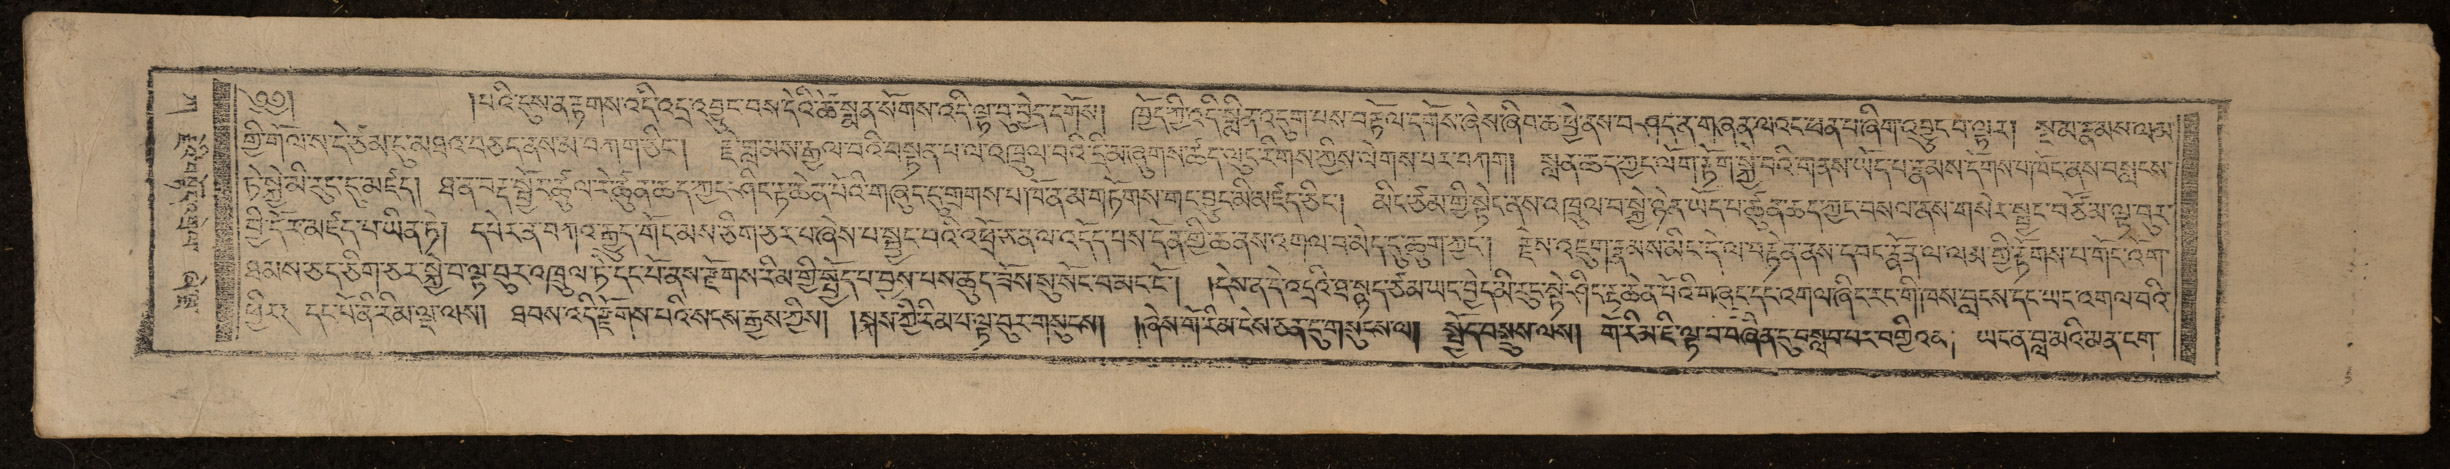༄༅། །པའི་དུས་ན་རྟགས་འདི་འདྲ་འབྱུང་བས་དེའི་ཚེ་སྨན་སོགས་འདི་ལྟ་བུ་བྱེད་དགོས། ཁྱོད་ཀྱི་འདི་སྨིན་འདུག་པས་བརྟོལ་དགོས་ཞེས་ཞིབ་ཆ་ཕྱེ་ནས་བཤད་ན་གཞན་ལའང་ཕན་བ་ཞིག་འབྱུང་བ་ལྟར། སྔ་མ་རྣམས་ལམ་
གྱི་གོ་ལས་དེ་ཙམ་དུ་མཐའ་བཅད་ནས་མ་བཀག་ཅིང་། རྗེ་བླ་མས་རྒྱལ་བའི་བསྟན་པ་ལ་འཁྲུལ་པའི་དྲི་མ་ཞུགས་ཚད་ལུང་རིགས་ཀྱིས་ལེགས་པར་བཀག། སླན་ཆད་ཀྱང་ལོག་རྟོག་སྐྱེ་བའི་གནས་ཡོད་པ་རྣམས་དོགས་བ་ཁོང་ནས་བསླརས་
ཏེ་སྐྱེ་མི་རུང་དུ་མཛད། ཐ་ན་བརྡ་སྤྱོར་ཚུལ་རེ་ཚུན་ཆད་ཀྱང་ཤིང་རྟ་ཆེན་པོའི་གཞུང་དུ་གྲགས་བ་ཁོ་ན་མ་གཏོགས་གང་བྱུང་མི་མཛད་ཅིང་། མིང་ཙམ་གྱི་སྟེང་ནས་འཁྲུལ་པ་སྐྱེ་ཉེན་ཡོད་པ་ཚུན་ཆད་ཀྱང་བསལ་ནས་གསེར་སྦྱང་བཙོམ་ལྟ་བུར་
བྱི་དོར་མཛད་པ་ཡིན་ཏེ། དཔེར་ན་བཀའ་བརྒྱུད་གོང་མས་ཅིག་ཅར་བ་ཞེས་པ་སྦྱང་བའི་འཕྲོ་ཅན་ལ་འདོད་པས་དོན་གྱི་ཆ་ནས་འགལ་བ་མེད་དུ་ཆུག་ཀྱང་། རྗེས་འཇུག་རྣམས་མིང་དེ་ལ་བརྟེན་ནས་དབང་རྣོན་ལ་ལམ་གྱི་རྟོགས་པ་གོང་འོག་
ཐམས་ཅད་ཅིག་ཅར་སྐྱེ་བ་ལྟ་བུར་འཁྲུལ་ཏེ་དང་པོ་ནས་རྫོགས་རིམ་གྱི་སྤྱོད་པ་བྱས་པས་ཆུད་ཟོས་སུ་སོང་བ་མང་ངོ། །དེས་ན་དེ་འདྲའི་ཐ་སྙད་ཙམ་ཡང་བྱེད་མི་རུང་སྟེ་ཤིང་རྟ་ཆེན་པོའི་གཞུང་དང་འགལ་ཞིང་རང་གི་ཁས་བླངས་དང་ཡང་འགལ་བའི་
ཕྱིར༑ དང་པོ་ནི་རིམ་ལྔ་ལས། ཐབས་འདི་རྫོགས་པའི་སངས་རྒྱས་ཀྱིས། སྐས་ཀྱི་རིམ་བ་ལྟ་བུར་གསུངས། །ཞེས་གོ་རིམ་ངེས་ཅན་དུ་གསུངས་ལ། སྤྱོད་བསྡུས་ལས། གོ་རིམ་ཇི་ལྟ་བ་བཞིན་དུ་བསླབ་བར་བགྱིའམ། ཡང་ན་བླ་མའི་མན་ངག་